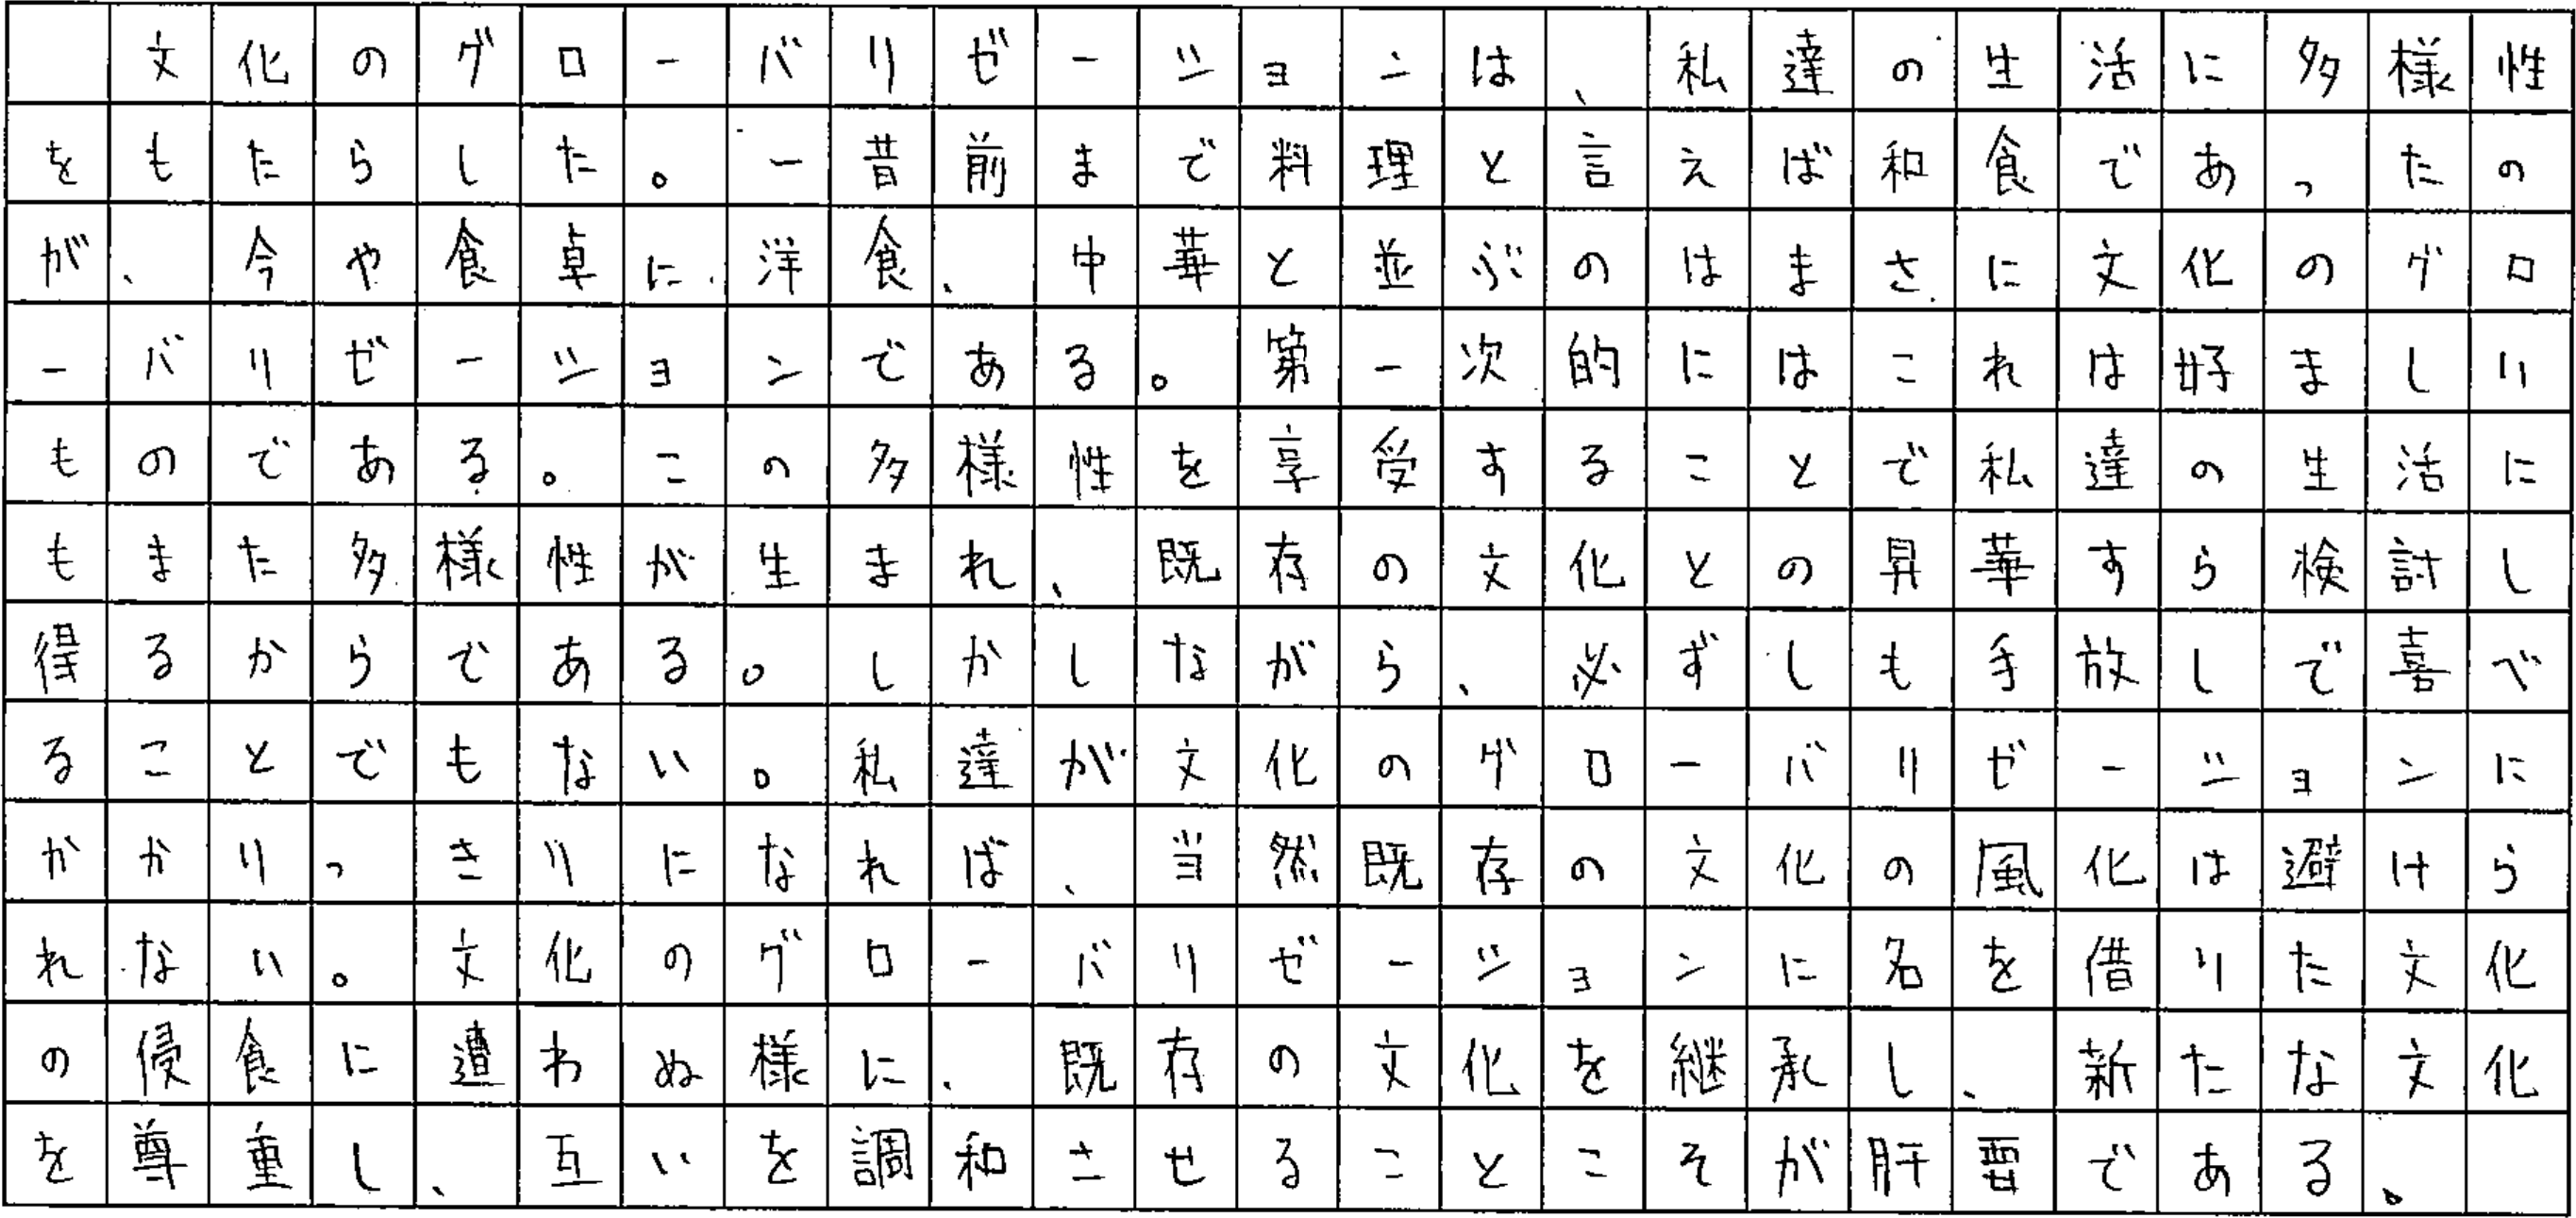　文化のグローバリゼーションは、私達の生活に多様性をもたらした。一昔前まで料理と言えば和食であったのが、今や食卓に洋食、中華と並ぶのはまさに文化のグローバリゼーションである。第一次的にはこれは好ましいものである。この多様性を享受することで私たちの生活にもまた多様性が生まれ、既存の文化との昇華すら検討し得るからである。しかしながら、必ずしも手放しで喜べることでもない。私達が文化のグローバリゼーションにかかりっきりになれば、当然既存の文化の風化は避けられない。文化のグローバリゼーションに名を借りた文化の侵食に遭わぬ様に、既存の文化を継承し、新たな文化を尊重し、互いを調和させることこそが肝要である。
